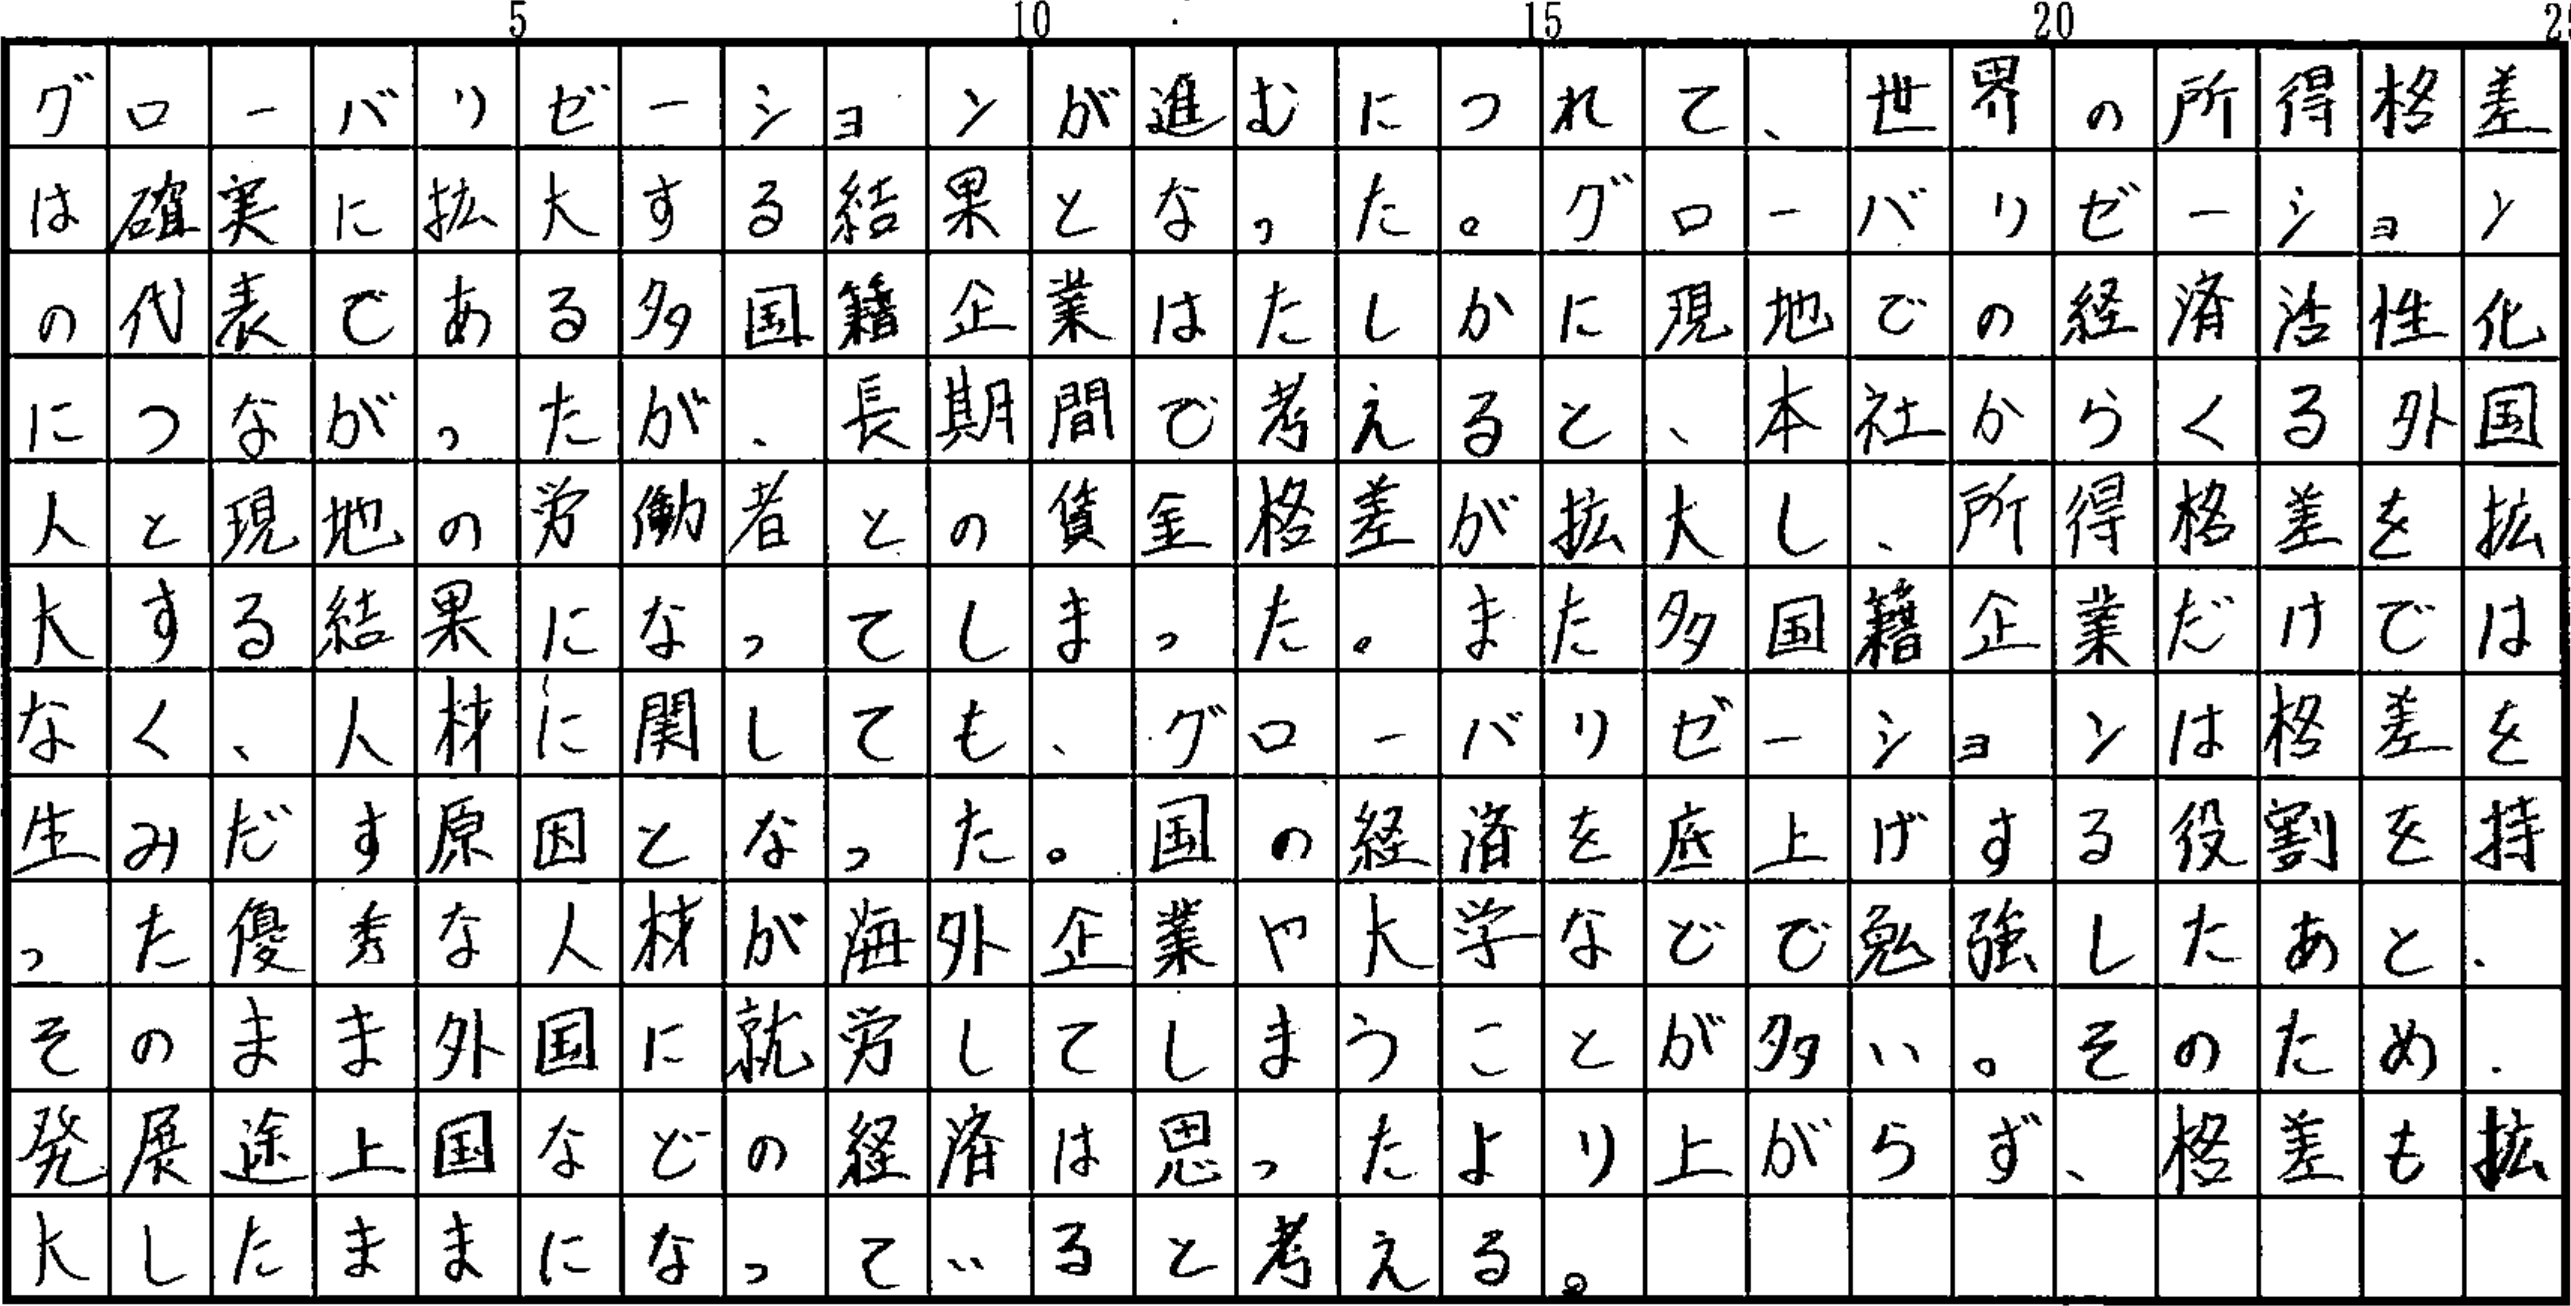グローバリゼーションが進むにつれて、世界の所得格差は確実に拡大する結果となった。グローバリゼーションの代表である多国籍企業はたしかに現地での経済活性化につながったが、長期間で考えると、本社からくる外国人と現地の労働者との賃金格差が拡大し、所得格差を拡大する結果になってしまった。また多国籍企業だけではなく、人材に関しても、グローバリゼーションは格差を生みだす原因となった。国の経済を底上げする役割を持った優秀な人材が海外企業や大学などで勉強したあと、そのまま外国に就労してしまうことが多い。そのため、発展途上国などの経済は思ったより上がらず、格差も拡大したままになっていると考える。
